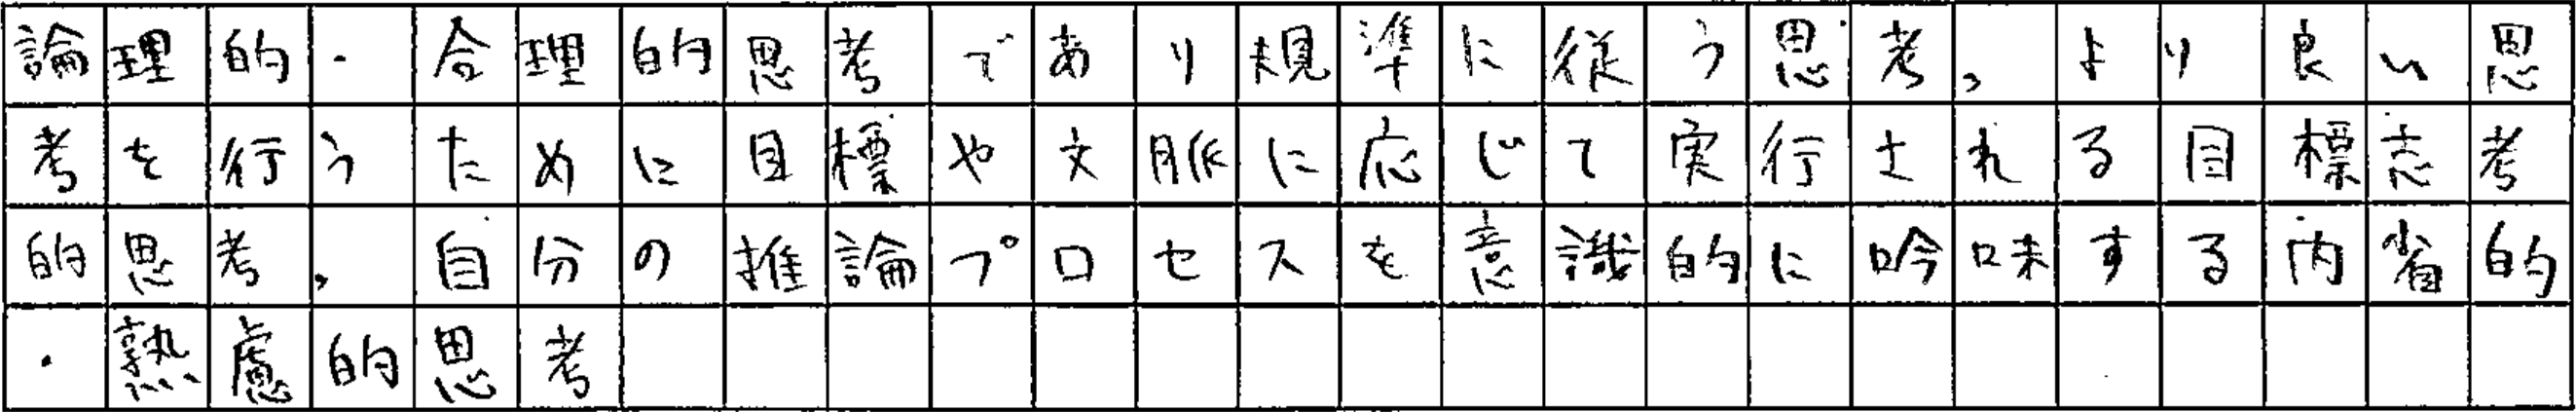論理的・合理的思考であり規準に従う思考、より良い思考を行うために目標や文脈に応じて実行される目標志考的思考、自分の推論プロセスを意識的に吟味する内省的・熟慮的思考
